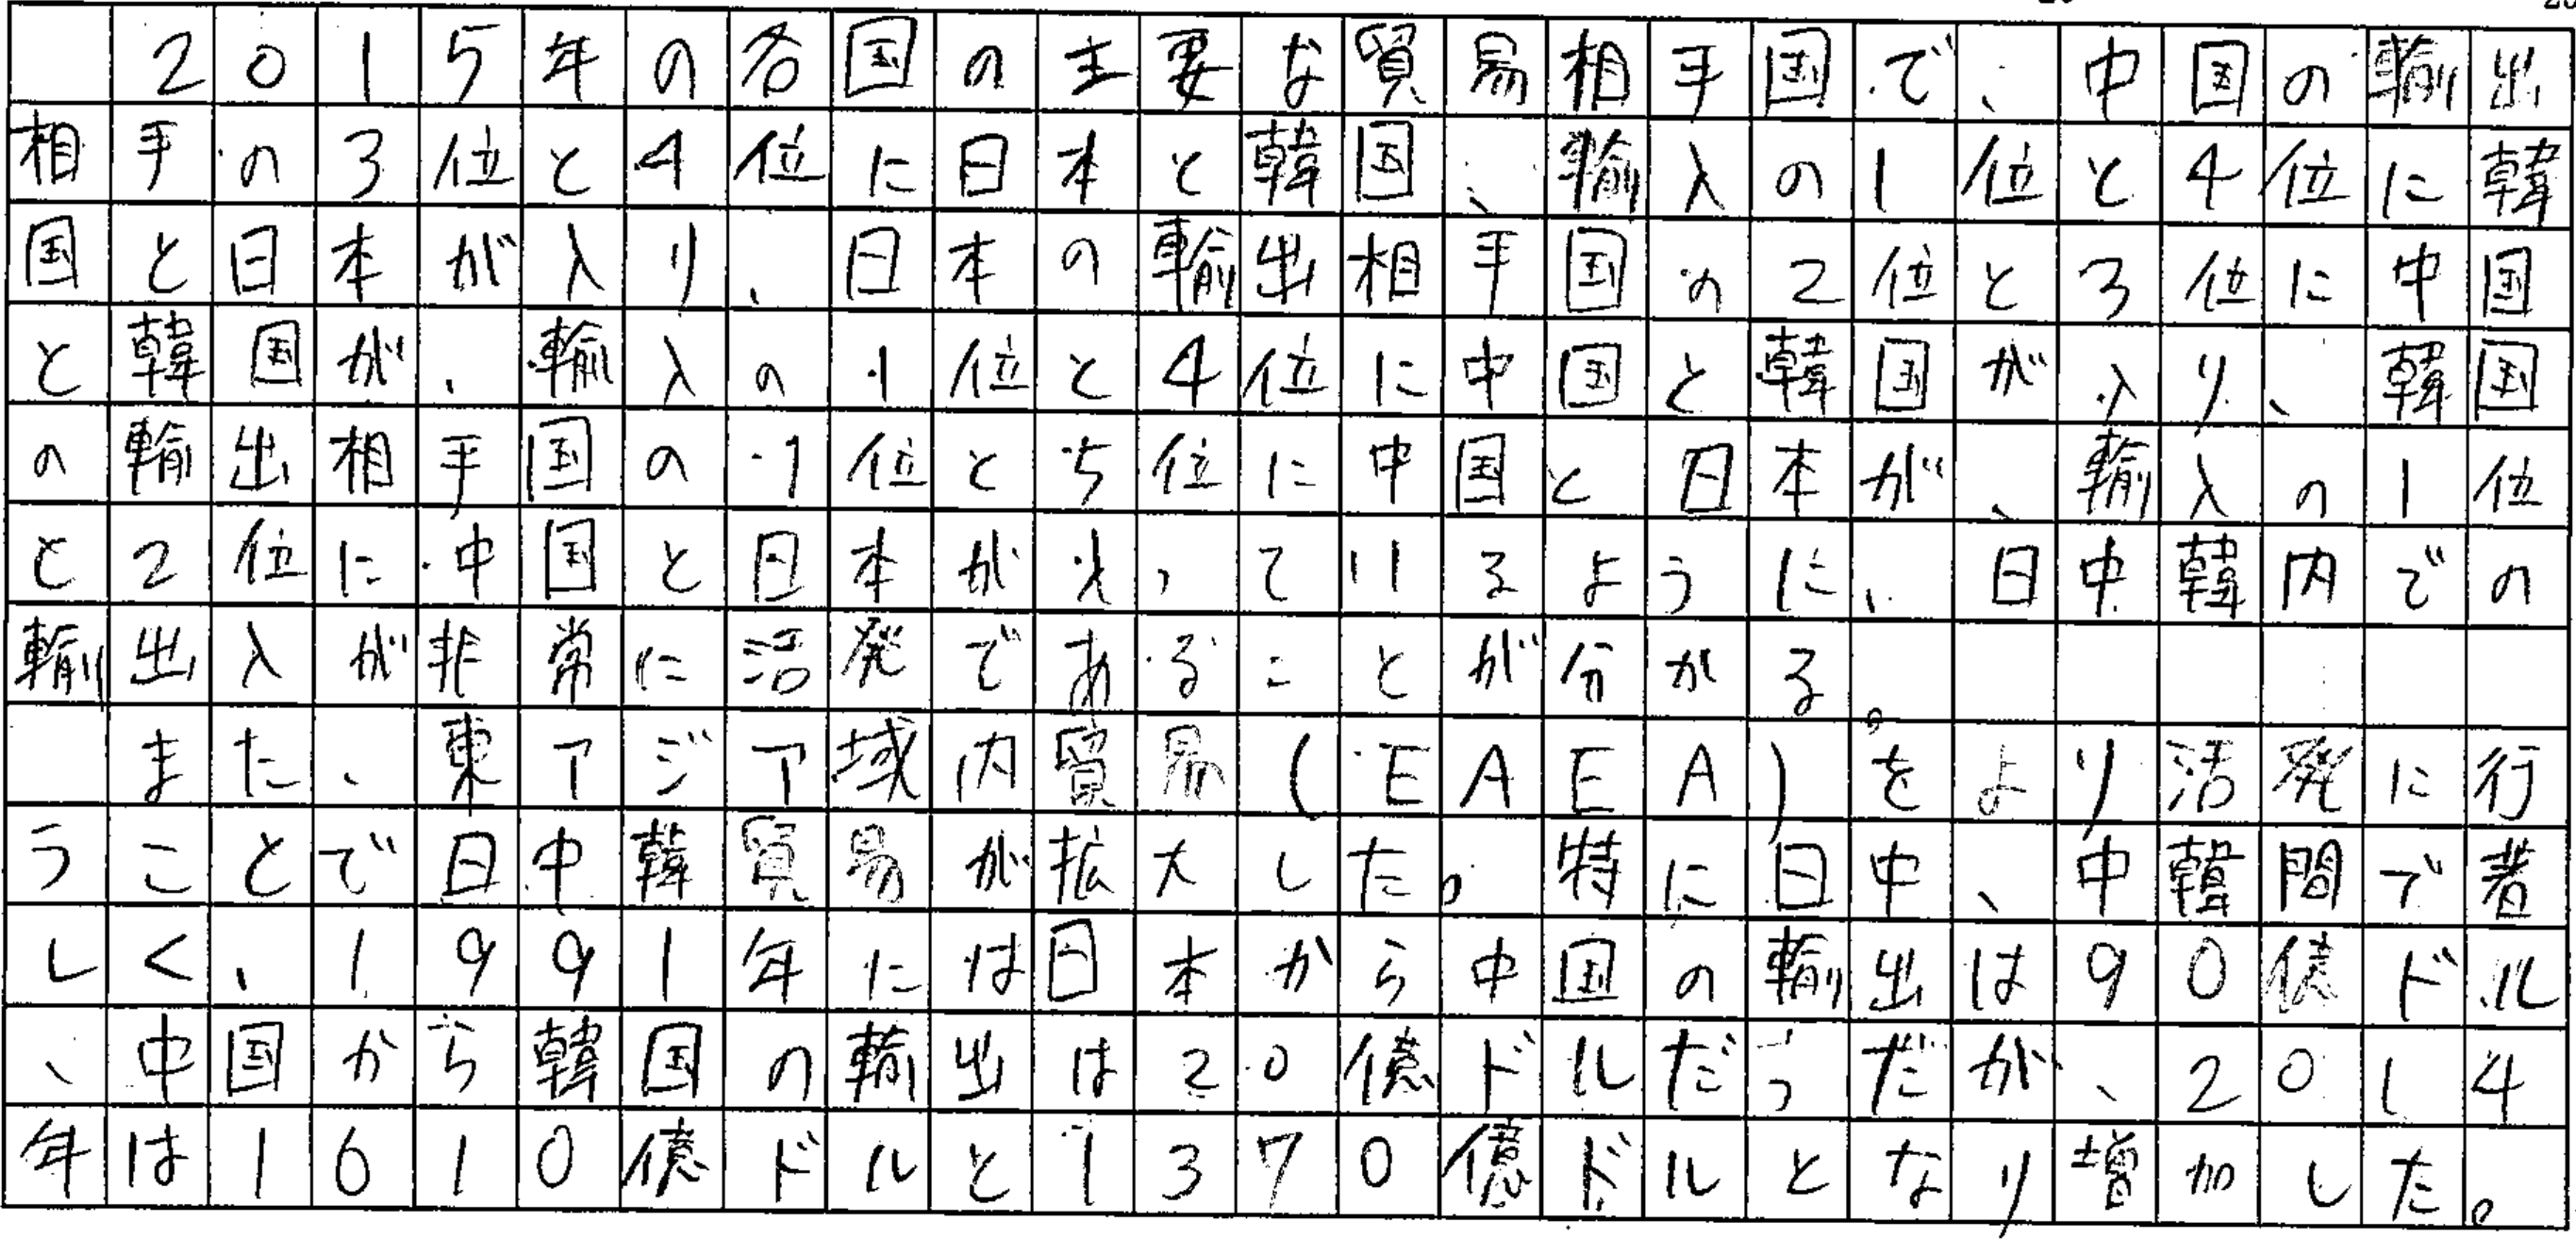　２０１５年の各国の主要な貿易相手国で、中国の輸出相手の３位と４位に日本と韓国、輸入の１位と４位に韓国と日本が入り、日本の輸出相手国の２位と３位に中国と韓国が、輸入の１位と４位に中国と韓国が入り、韓国の輸出相手国の１位と５位に中国と日本が、輸入の１位と２位に中国と日本が入っているように、日中韓内での輸出入が非常に活発であることが分かる。
　また、東アジア域内貿易（ＥＡＥＡ）をより活発に行うことで日中韓貿易が拡大した。特に日中、中韓間で著しく、１９９１年には日本から中国の輸出は９０億ドル、中国から韓国の輸出は２０億ドルだっだが、２０１４年は１６１０億ドルと１３７０億ドルとなり増加した。
